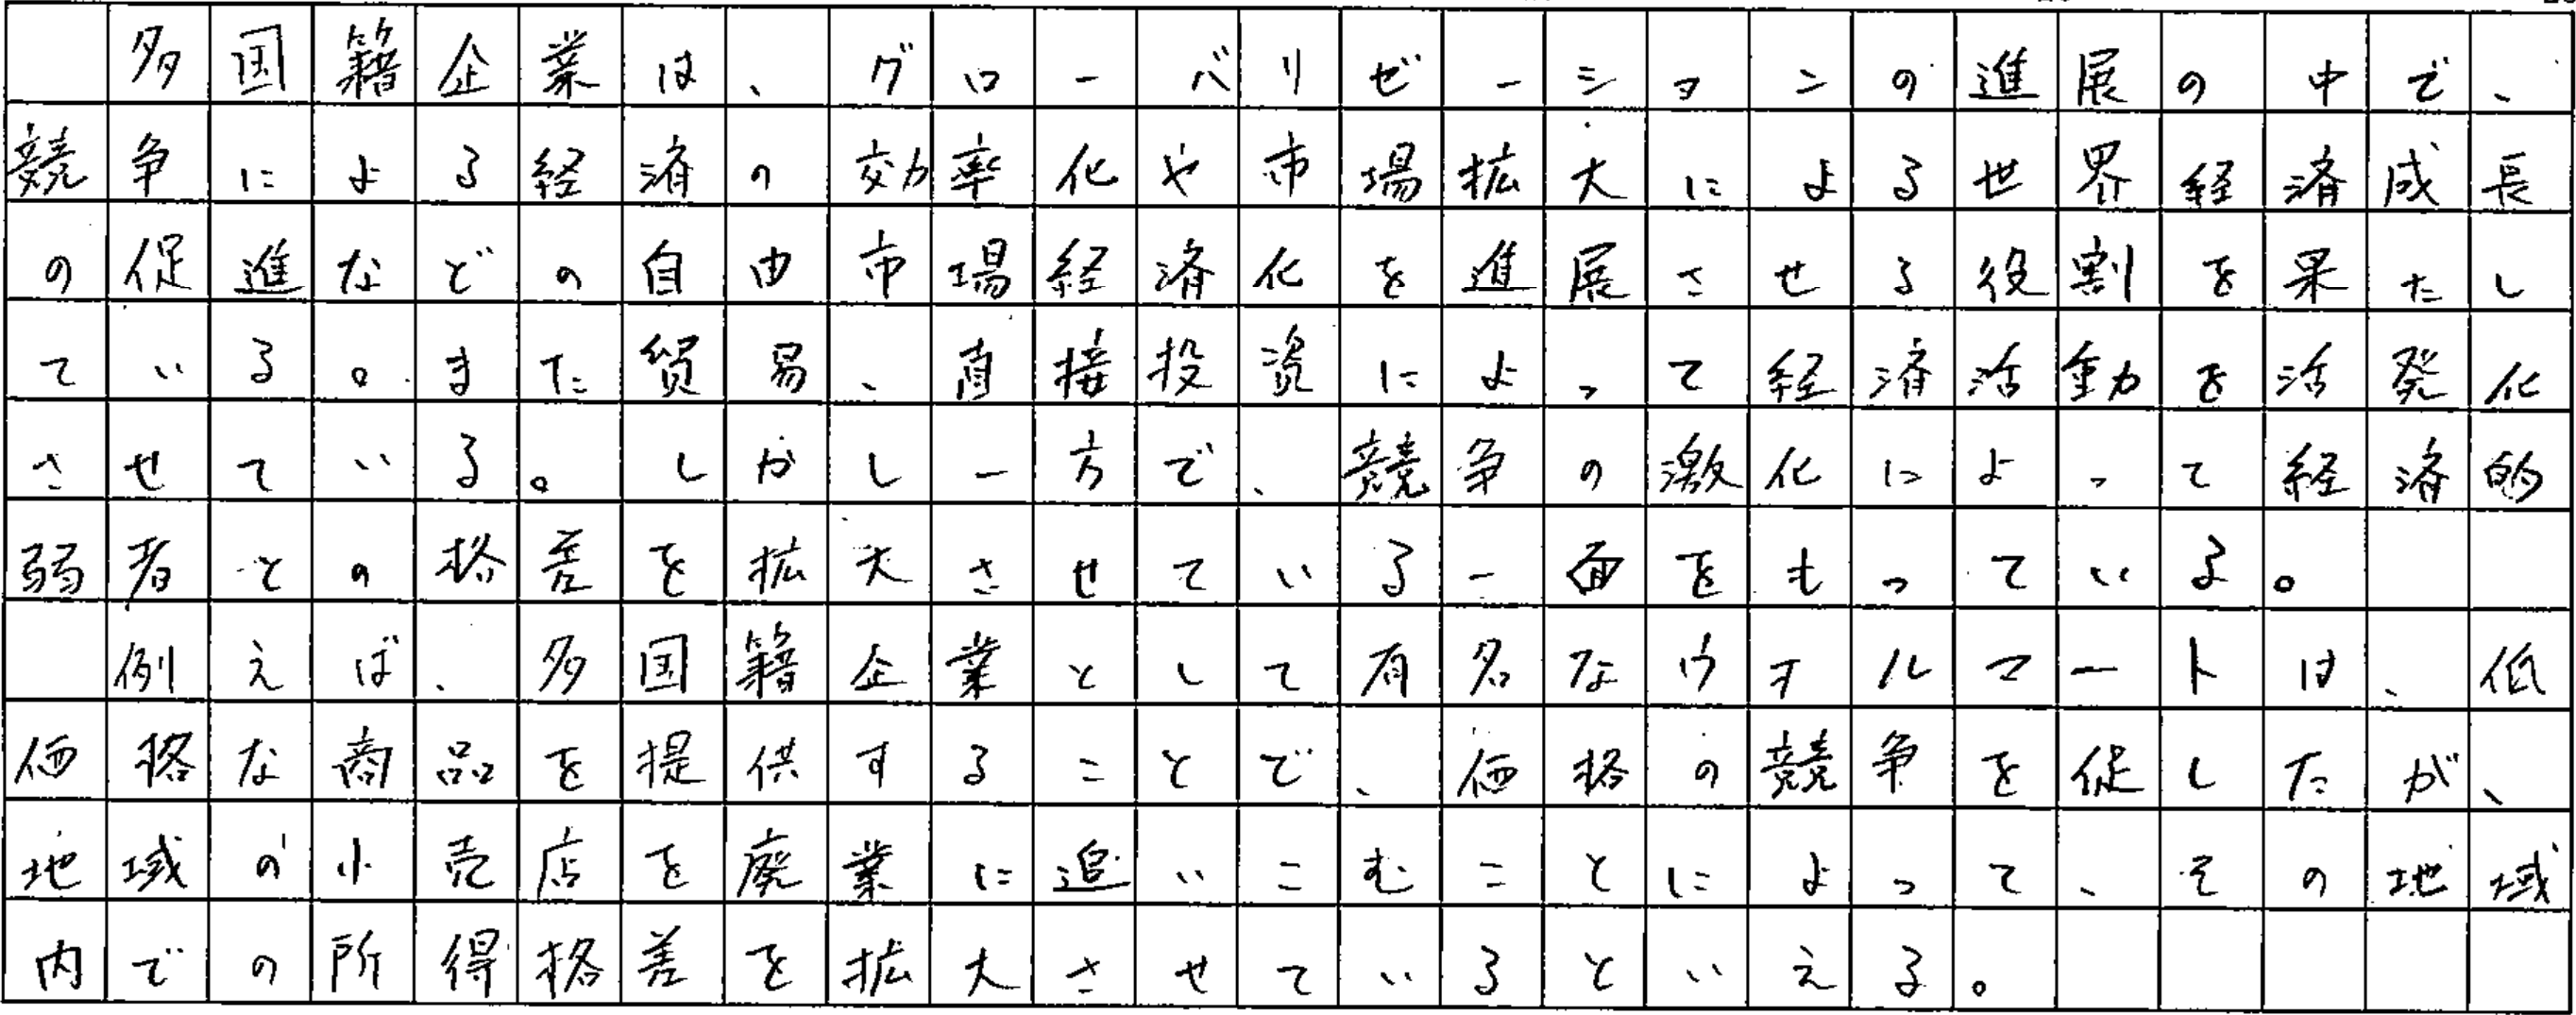　多国籍企業は、グローバリゼーションの進展の中で、競争による経済の効率化や市場拡大による世界経済成長の促進などの自由市場経済化を進展させる役割を果たしている。また貿易、直接投資によって経済活動を活発化させている。しかし一方で、競争の激化によって経済的弱者との格差を拡大させている一面をもっている。
　例えば、多国籍企業として有名なウォルマートは、低価格な商品を提供することで、価格の競争を促したが、地域の小売店を廃業に追いこむことによって、その地域内での所得格差を拡大させているといえる。
